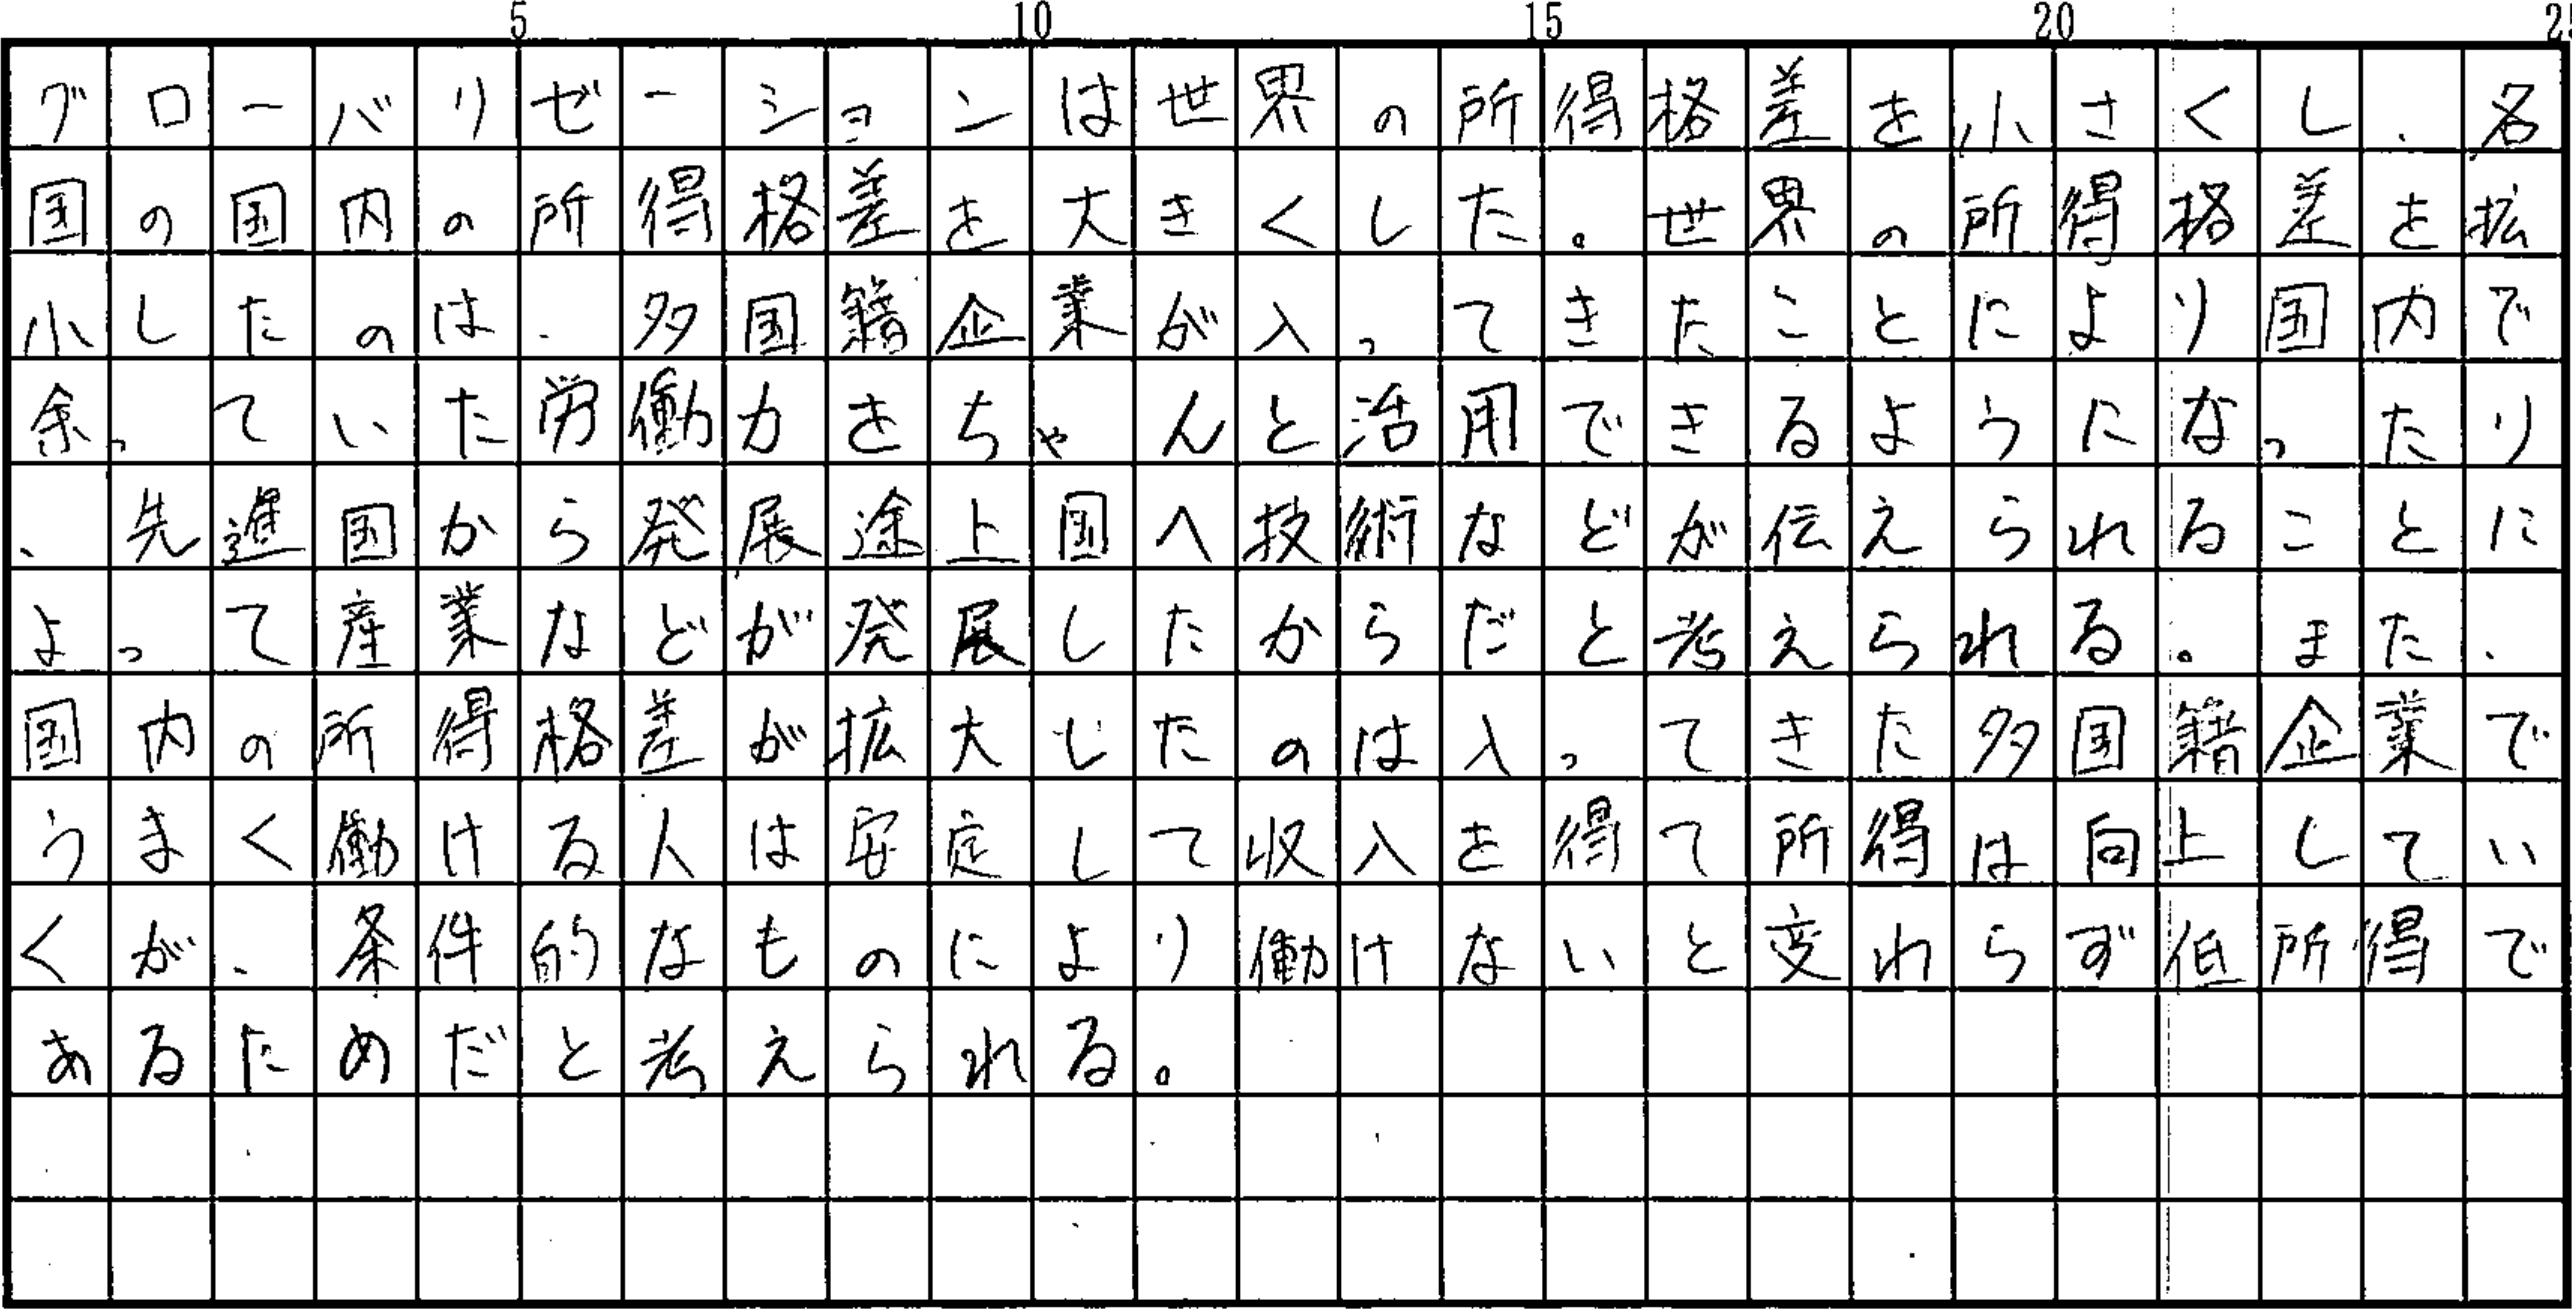グローバリゼーションは世界の所得格差を小さくし、各国の国内の所得格差を大きくした。世界の所得格差を拡小したのは、多国籍企業が入ってきたことにより国内で余っていた労働力をちゃんと活用できるようになったり、先進国から発展途上国へ技術などが伝えられることによって産業などが発展したからだと考えられる。また、国内の所得格差が拡大したのは入ってきた多国籍企業でうまく働ける人は安定して収入を得て所得は向上していくが、条件的なものにより働けないと変わらず低所得であるためだと考えられる。
